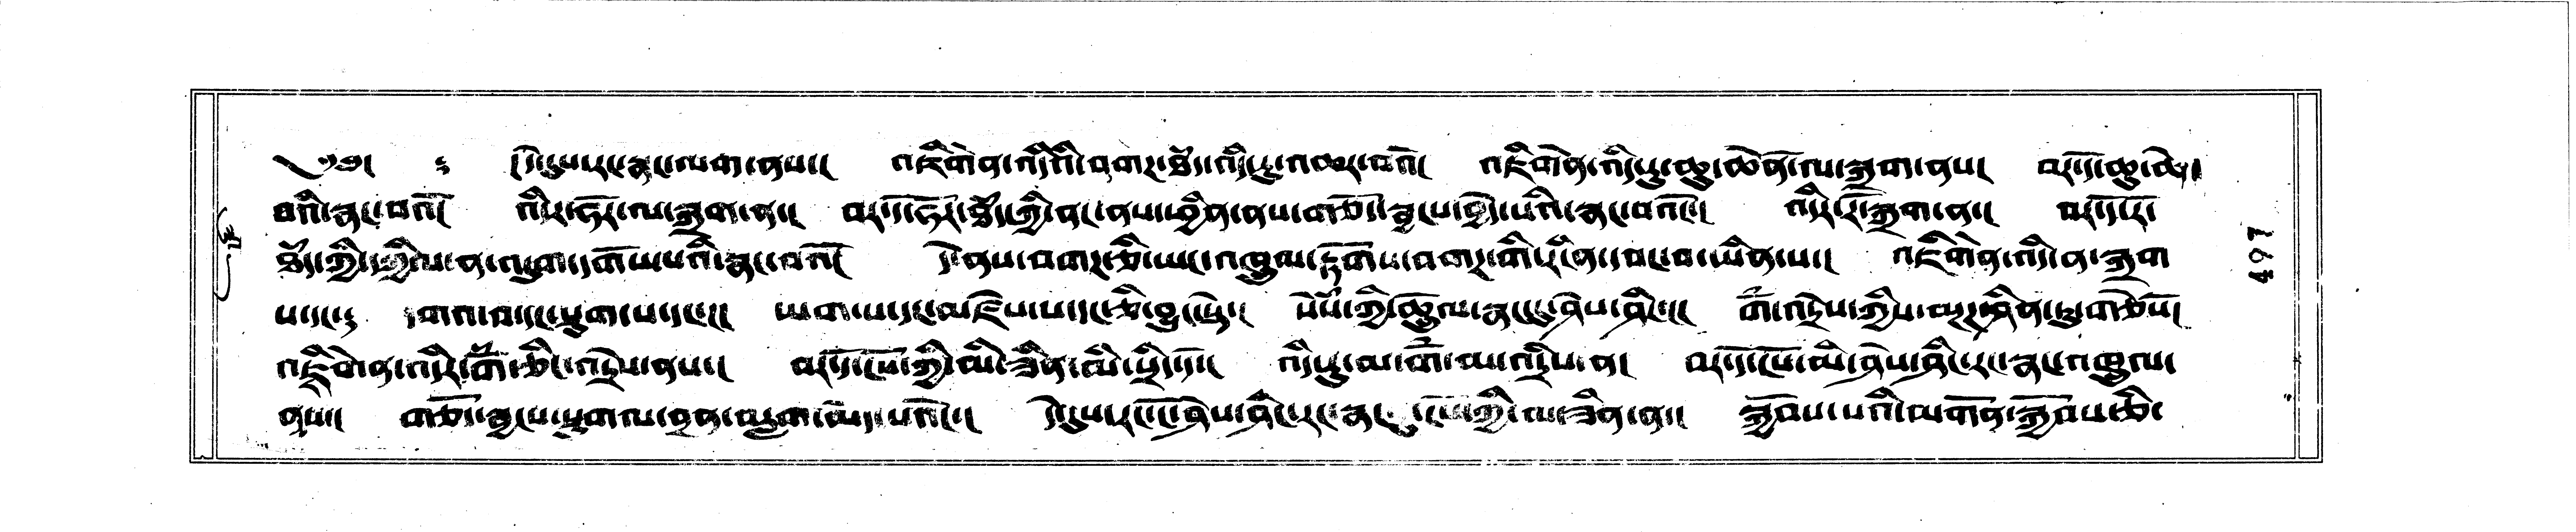མདོར་ན་དེ་དུས་རང་སྣང་ལོགས་ནས། འཇིག་རྟེན་འདིའི་བག་ཆགས་ཐམས་ཅད་འདི་རུ་འཆར་བའོ། འཇིག་རྟེན་ཆུ་ཆེན་པོ་ལ་སྐྲགས་ན། བར་དོར་ཆུས་ཁྱེར་
བའི་སྣང་བ་འོང་། འཇིག་རྟེན་འདི་ཧོར་ལ་སྐྲགས་ན། བར་དོར་ཧོར་ཐམས་ཅད་ཀྱིས་ནང་ན་ཕྱིན་ནས་གཅོད་སྦྱོང་བྱེད་པའི་སྣང་བ་འོང་། འཇིག་རྟེན་འདིར་རོ་ལ་སྐྲགས་ན། བར་དོར་རོ
་ཐམས་ཅད་ཀྱིས་དཀྱིལ་ནས་འདུག་དགོས་པའི་སྣང་བ་འོང་། དེ་ནས་ཐམས་ཅད་ཅི་བྱུང་ཡང་། འཁྲུལ་རྟོག་བག་ཆགས་ཀྱིས་རང་བཞིན་ལས་དབང་ཡིན་པས། འཇིག་རྟེན་འདི་ནསྐྲགས་
པ་དང་ དགའ་བ་དང་སྡུག་པ་དང་ཡག་པ་མཛེས་པ་ཅི་ཡང་འབྱུང་སྟེ། སེམས་ཀྱིས་ཆོ་འཕྲུལ་རང་སྣང་དུ་ཤེས་ཤིང་། གོམ་འདྲིས་ཀྱིས་མེན་ངག་ཤིན་ཏུ་གཅེས་སོ། 
འཇིག་རྟེན་འདི་གོམ་ཅིང་འདྲིས་ན། བར་དོ་ངོས་མི་ཟིན་མི་སྲིད་དོ། འདི་རུ་མ་གོམ་མ་འདྲིས་ན། བར་དོ་ངོ་མི་ཤེས་ཤིང་རང་སྣང་འཁྲུལ་
ནས། གཅོད་སྦྱོངས་སྡུག་བསྔལ་བསྲན་བརླགས་མེད་པ་འོང་། དེ་དུས་རང་ངོ་ཤེས་ཤིང་རང་སྣང་སུ་ངོས་ཀྱིས་མ་ཟིན་ན། སྐྱོབས་པའི་མགོན་སྐྱབས་ཅི་